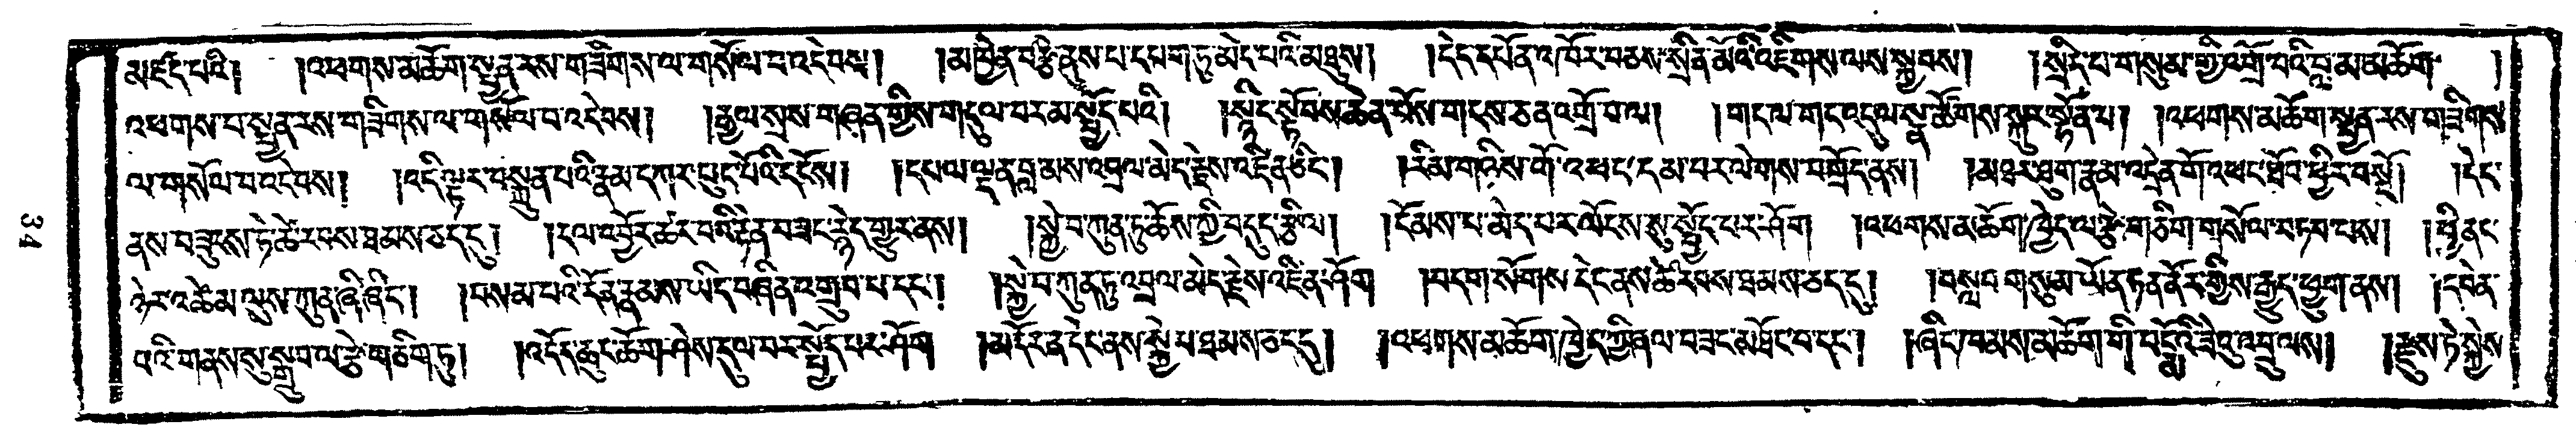མཛད་པའི། །འཕགས་མཆོག་སྤྱན་རས་གཟིགས་ལ་གསོལ་བ་འདེབས། །མཁྱེན་བརྩེ་ནུས་པ་དཔག་ཏུ་མེད་པའི་མཐུས། །དེད་དཔོན་འཁོར་བཅས་སྲིན་མོའི་འཇིགས་ལས་སྐྱབས། །སྲིད་པ་གསུམ་གྱི་འགྲོ་བའི་བླ་མ་མཆོག །
འཕགས་པ་སྤྱན་རས་གཟིགས་ལ་གསོལ་བ་འདེབས། །རྒྱལ་སྲས་གཞན་གྱིས་གདུལ་བར་མ་སྤྱོད་པའི། །སྙིང་སྟོབས་ཆེན་པོས་གངས་ཅན་འགྲོ་བ་ལ། །གང་ལ་གང་འདུལ་སྣ་ཚོགས་སྐུར་སྟོན་པ། །འཕགས་མཆོག་སྤྱན་རས་གཟིགས་
ལ་གསོལ་བ་འདེབས། །འདི་ལྟར་བསྐྲུན་པའི་རྣམ་དཀར་པུང་པོའི་དངོས། །དཔལ་ལྡན་བླ་མས་འབྲལ་མེད་རྗེས་འཛིན་ཅིང་། །རིམ་གཉིས་གོ་འཕང་དམ་པར་ལེགས་བགྲོད་ནས། །མཐར་ཐུག་རྣམ་འདྲེན་གོ་འཕང་ཐོབ་ཕྱིར་བསྔོ། །དེང་
ནས་བཟུངས་ཏེ་ཚེ་རབས་ཐམས་ཅད་དུ། །དལ་འབྱོར་ཚར་བའི་རྟེན་བཟང་རྙེད་གྱུར་ནས། །སྐྱེ་བ་ཀུན་ཏུ་ཆོས་ཀྱི་བདུད་རྩིལ། །ངོམས་པ་མེད་པར་ལོངས་སུ་སྤྱོད་པར་ཤོག །འཕགས་མཆོག་ཁྱེད་ལ་རྩེ་གཅིག་གསོལ་བཏབ་པས། །ཕྱི་ནང་
ཉེར་འཚེམ་ལུས་ཀུན་ཞི་ཞིང་། །བསམ་པའི་དོན་རྣམས་ཡིད་བཞིན་འགྲུབ་པ་དང་། །སྐྱེ་བ་ཀུན་ཏུ་འབྲལ་མེད་རྗེས་འཛིན་ཤོག །བདག་སོགས་དེང་ནས་ཚེ་རབས་ཐམས་ཅད་དུ། །བསླབ་གསུམ་ཡོན་ཏན་ནོར་གྱིས་རྒྱུད་ཕྱུག་ནས། །དབེན་
བའི་གནས་སུ་སྒྲུབ་ལ་རྩེ་གཅིག་ཏུ། །འདོད་ཆུང་ཆོག་ཤེས་དུལ་བར་སྤྱོད་པར་ཤོག །མདོར་ན་དེང་ནས་སྐྱེ་པ་ཐམས་ཅད་དུ། །འཕགས་མཆོག་ཁྱེད་ཀྱི་ཞལ་བཟང་མཐོང་བ་དང་། །ཞིང་ཁམས་མཆོག་གི་པདམོའི་ཟེའུ་འབྲུ་ལས། །རྫུས་ཏེ་སྐྱེས་